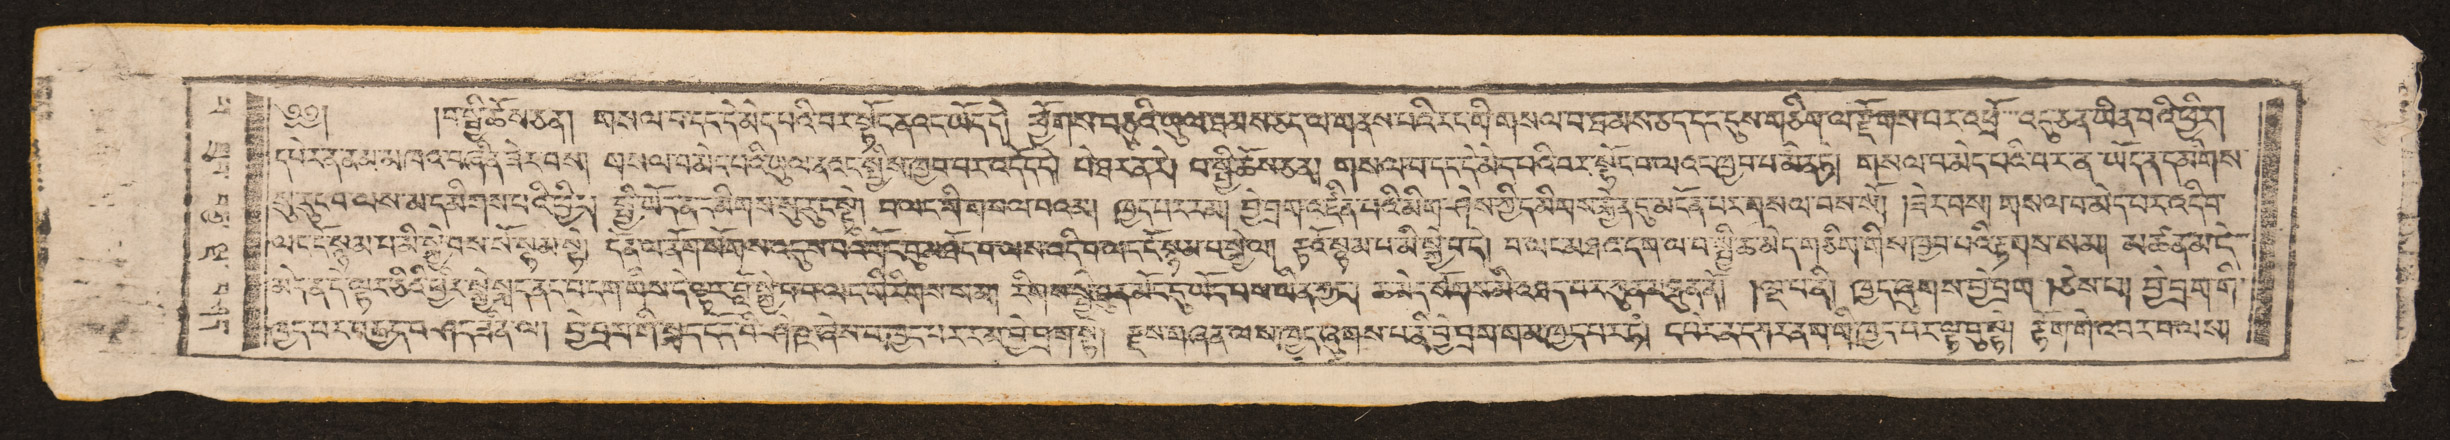༄༅། །བ་སྤྱི་ཆོས་ཅན། གསལ་བ་དང་དེ་མེད་པའི་བར་སྟོང་ནའང་ཡོད་དེ། ཕྱོགས་བཅུའི་ཡུལ་ཐམས་ཅད་ལ་གནས་པའི་རང་གི་གསལ་བ་ཐམས་ཅད་དང་དུས་གཅིག་ལ་རྫོགས་པར་འཕྲོ་འདུ་ཅན་ཡིན་པའི་ཕྱིར།
དཔེར་ན་ནམ་མཁའ་བཞིན་ཟེར་བས། གསལ་བ་མེད་པའི་ཡུལ་ནའང་སྤྱིས་ཁྱབ་པར་འདོད་དེ། བེ་ཐར་ན་རེ། བ་སྤྱི་ཆོས་ཅན། གསལ་བ་དང་དེ་མེད་པའི་བར་སྟོང་པ་ལའང་ཁྱབ་པ་མིན་ཏེ། གསལ་བ་མེད་པའི་བར་ན་ཡོད་ན་དམིགས་
སུ་རུང་བ་ལས་མ་དམིགས་པའི་ཕྱིར། སྤྱི་ཡོད་ན་དམིགས་སུ་རུང་སྟེ། བ་ལང་གི་གསལ་བའམ། ཁྱད་པར་རམ། བྱེ་བྲག་འཛིན་པའི་མིག་ཤེས་ཀྱི་དམིགས་རྐྱེན་དུ་མངོན་པར་གསལ་བས་སོ། །ཟེར་བས། གསལ་བ་མེད་པར་འདི་བ་
ལང་ངོ་སྙམ་པ་མི་སྐྱེ་བས་སོ་སྙམ་སྟེ། དོན་ལ་ནོག་སོགས་འདུས་པའི་གོང་བུ་མཐོང་བ་ལས་འདི་བ་ལང་ངོ་སྙམ་བསྐྱེལ། རྟའོ་སྙམ་པ་མི་སྐྱེ་བ་དེ། བ་ལང་མཐའ་དག་ལ་བ་སྤྱི་ཆ་མེད་གཅིག་གིས་ཁྱབ་པའི་རྟགས་སམ། མཚན་མ་དེ་
མེད་ན་དེ་ལྟར་ཅིའི་ཕྱིར་སྐྱེ་སྐད་ནང་བདག་གིས་དེ་ལྟར་བློ་སྐྱེ་བ་བ་ལང་གི་རིགས་སམ། རིགས་སྤྱི་ཐུན་མོང་དུ་ཡོད་པས་ཡིན་ཀྱང་། ཆ་མེད་སོགས་མི་འཐད་པར་ཀུན་མཐུན་ནོ། །ལྔ་པ་ནི། ཁྱད་ཞུགས་བྱེ་བྲག །ཅེས་པ། བྱེ་བྲག་གི་
ཁྱད་པར་བརྒྱད་བཤད་ཟིན་ལ། བྱེ་བྲག་གི་སྐད་དོང་བི་ཤེ་ཥ་ཞེས་པ་ཁྱད་པར་རམ་བྱེ་བྲག་སྟེ། རྫས་གཞན་ལས་ཁྱད་ཞུགས་པ་ནི་བྱེ་བྲག་གམ་ཁྱད་པར་ཏེ། དཔེར་ན་དཀར་ནག་གི་ཁྱད་པར་ལྟ་བུ་སྟེ། རྟོག་གེ་འབར་བ་ལས།